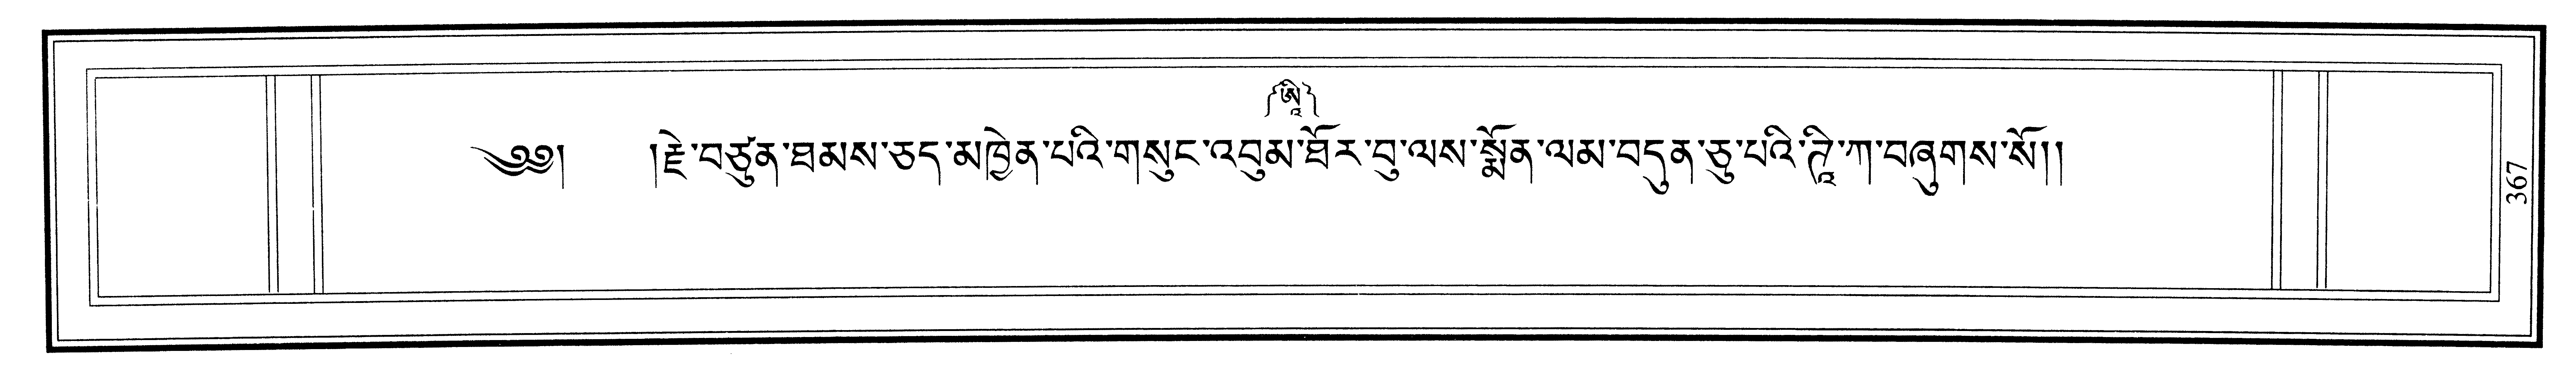༄༅། །རྗེ་བཙུན་ཐམས་ཅད་མཁྱེན་པའི་གསུང་འབུམ་ཐོར་བུ་ལས་སྨོན་ལམ་བདུན་ཅུ་པའི་ཊཱི་ཀ་བཞུགས་སོ།།